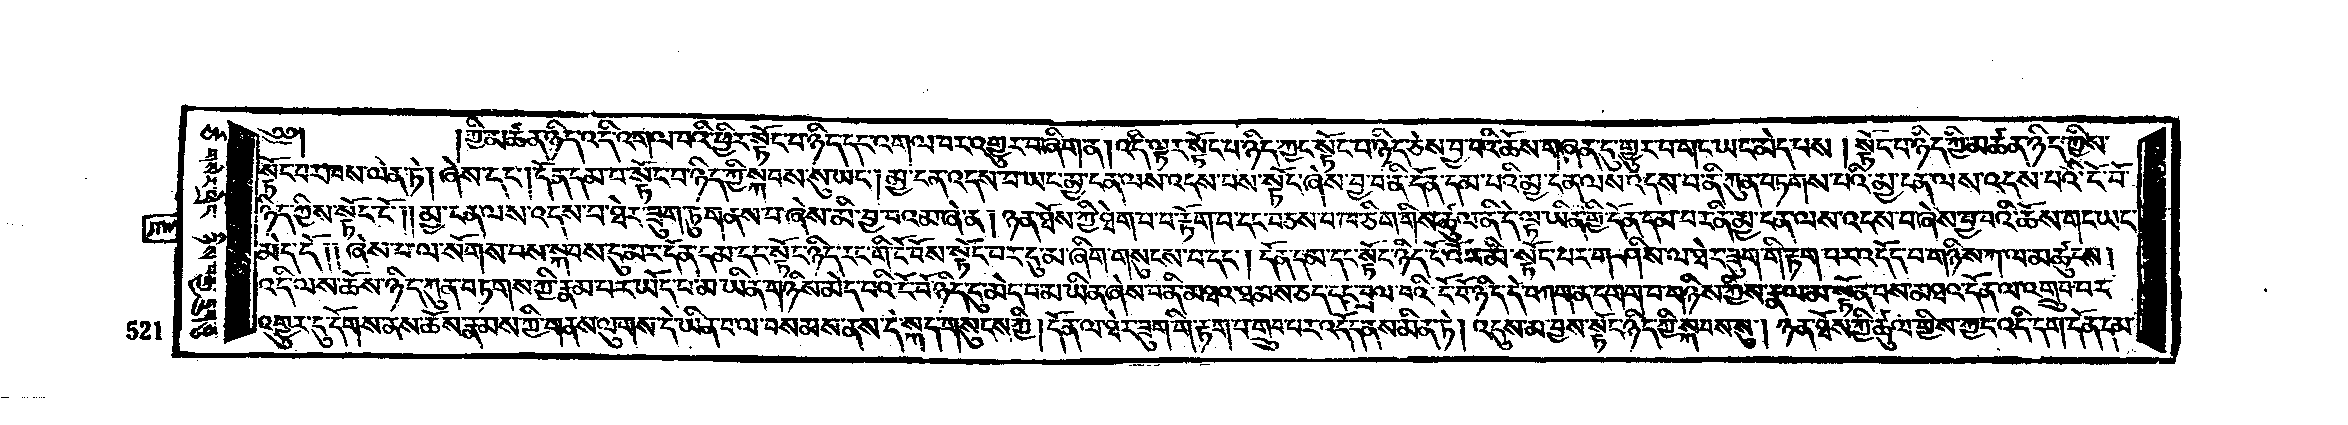༄༅། །ཀྱི་མཚན་ཉིད་འདི་འགལ་བའི་ཕྱིར་སྟོང་པ་ཉིད་དང་འགལ་བར་འགྱུར་བ་ཞིག་ན། འདི་ལྟར་སྟོང་པ་ཉིད་ཀྱང་སྟོང་པ་ཉིད་ཅེས་བྱ་བའི་ཆོས་གཞན་དུ་གྱུར་པ་གང་ཡང་མེད་པས། སྟོང་པ་ཉིད་ཀྱི་མཚན་ཉིད་ཀྱིས་
སྟོང་པར་ཁས་ལེན་ཏེ། ཞེས་དང་། དོན་དམ་པ་སྟོང་པ་ཉིད་ཀྱི་སྐབས་སུ་ཡང་། མྱ་ངན་འདས་པ་ཡང་མྱ་ངན་ལས་འདས་པས་སྟོང་ཞེས་བྱ་བ་ནི་དོན་དམ་པའི་མྱ་ངན་ལས་འདས་པ་ནི་ཀུན་བཏགས་པའི་མྱ་ངན་ལས་འདས་པའི་ངོ་བོ་
ཉིད་ཀྱིས་སྟོང་ངོ། །མྱ་ངན་ལས་འདས་པ་ཐེར་ཟུག་ཏུ་གནས་པ་ཞེས་མི་བྱ་བའམ་ཞེ་ན། ཉན་ཐོས་ཀྱི་ཐེག་པ་པ་རྟོག་པ་དང་བཅས་པ་ཁ་ཅིག་གིས་ཚུལ་ནི་དེ་ལྟ་ཡིན་གྱི་དོན་དམ་པར་ནི་མྱ་ངན་ལས་འདས་པ་ཞེས་བྱ་བའི་ཆོས་གང་ཡང་
མེད་དོ། །ཞེས་པ་ལ་སོགས་པས་སྐབས་དུ་མར་དོན་དམ་དང་སྟོང་ཉིད་རང་གི་ངོ་བོས་སྟོང་པར་དུ་མ་ཞིག་གསུངས་པ་དང་། དོན་དམ་དང་སྟོང་ཉིད་ངོ་བོས་མི་སྟོང་པར་གཤིས་ལ་ཐེར་ཟུག་གི་རྟག་པར་འདོད་པ་གཉིས་ཀ་ལ་མཚུངས།
འདི་ལས་ཆོས་ཉིད་ཀུན་བཏགས་ཀྱི་རྣམ་པར་ཡོད་པ་མ་ཡིན་གཉིས་མེད་པའི་ངོ་བོ་ཉིད་དུ་མེད་པ་མ་ཡིན་ཞེས་པ་ནི་མཐའ་ཐམས་ཅད་དང་བྲལ་བའི་ངོ་བོ་ཉིད་དེ་བཀག་ན་དགག་པ་གཉིས་ཀྱིས་རྣལ་མ་སྟོན་པས་མཐའ་དོན་ལ་འགྲུབ་པར་
འགྱུར་དུ་དོགས་ནས་ཆོས་རྣམས་ཀྱི་གནས་ལུགས་དེ་ཡིན་པ་ལ་བསམས་ནས་དེ་སྐད་གསུངས་ཀྱི། དོན་ལ་ཐེར་ཟུག་གི་རྟག་པ་གྲུབ་པར་འདོད་ནས་མིན་ཏེ། འདུས་མ་བྱས་སྟོང་ཉིད་ཀྱི་སྐབས་སུ། ཉན་ཐོས་ཀྱི་ཚུལ་གྱིས་ཀྱང་འདི་དག་དོན་དམ་